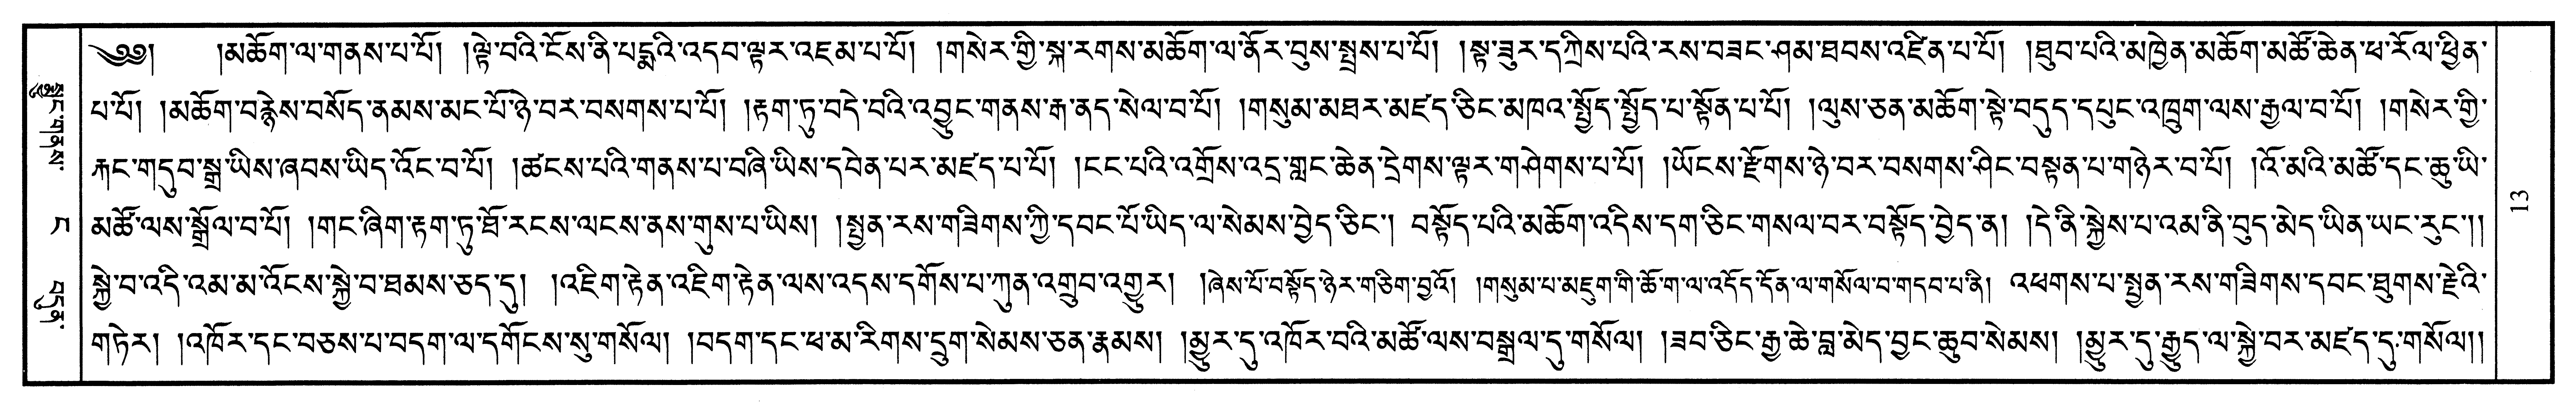༄༅། །མཆོག་ལ་གནས་པ་པོ། །ལྟེ་བའི་ངོས་ནི་པདམའི་འདབ་ལྟར་འཇམ་པ་པོ། །གསེར་གྱི་སྐ་རགས་མཆོག་ལ་ནོར་བུས་སྤྲས་པ་པོ། །སྟ་ཟུར་དཀྲིས་པའི་རས་བཟང་ཤམ་ཐབས་འཛིན་པ་པོ། །ཐུབ་པའི་མཁྱེན་མཆོག་མཚོ་ཆེན་ཕ་རོལ་ཕྱིན་
པ་པོ། །མཆོག་བརྙེས་བསོད་ནམས་མང་པོ་ཉེ་བར་བསགས་པ་པོ། །རྟག་ཏུ་བདེ་བའི་འབྱུང་གནས་རྒ་ནད་སེལ་བ་པོ། །གསུམ་མཐར་མཛད་ཅིང་མཁའ་སྤྱོད་པ་སྤྱོད་པ་སྟོན་པ་པོ། །ལུས་ཅན་མཆོག་སྟེ་བདུད་དཔུང་འཁྲུག་ལས་རྒྱལ་བ་པོ། །གསེར་གྱི་
རྐང་གདུབ་སྒྲ་ཡིས་ཞབས་ཡིད་འོང་བ་པོ། །ཚངས་པའི་གནས་པ་བཞི་ཡིས་དབེན་པར་མཛད་པ་པོ། །ངང་པའི་འགྲོས་འདྲ་གླང་ཆེན་དྲེགས་ལྟར་གཤེགས་པ་པོ། །ཡོངས་རྫོགས་ཉེ་བར་བསགས་ཤིང་བསྟན་པ་གཉེར་བ་པོ། །འོ་མའི་མཚོ་དང་ཆུ་ཡི་
མཚོ་ལས་སྒྲོལ་བ་པོ། །གང་ཞིག་རྟག་ཏུ་ཐོ་རངས་ལངས་ནས་གུས་པ་ཡིས། །སྤྱན་རས་གཟིགས་ཀྱི་དབང་པོ་ཡིད་ལ་སེམས་བྱེད་ཅིང་། བསྟོད་པའི་མཆོག་འདིས་དག་ཅིང་གསལ་བར་བསྟོད་བྱེད་ན། །དེ་ནི་སྐྱེས་པ་འམ་ནི་བུད་མེད་ཡིན་ཡང་རུང།།
སྐྱེ་བ་འདི་འམ་མ་འོངས་སྐྱེ་བ་ཐམས་ཅད་དུ། །འཇིག་རྟེན་འཇིག་རྟེན་ལས་འདས་དགོས་པ་ཀུན་འགྲུབ་འགྱུར། །ཞེས་པོ་བསྟོད་ཉེར་གཅིག་བྱའོ། །གསུམ་པ་མཇུག་གི་ཆོ་ག་ལ་འདོད་དོན་ལ་གསོལ་བ་གདབ་པ་ནི། འཕགས་པ་སྤྱན་རས་གཟིགས་དབང་ཐུགས་རྗེའི་
གཏེར། །འཁོར་དང་བཅས་པ་བདག་ལ་དགོངས་སུ་གསོལ། །བདག་དང་ཕ་མ་རིགས་དྲུག་སེམས་ཅན་རྣམས། །མྱུར་དུ་འཁོར་བའི་མཚོ་ལས་བསྒྲལ་དུ་གསོལ། །ཟབ་ཅིང་རྒྱ་ཆེ་བླ་མེད་བྱང་ཆུབ་སེམས། །མྱུར་དུ་རྒྱུད་ལ་སྐྱེ་བར་མཛད་དུ་གསོལ།།